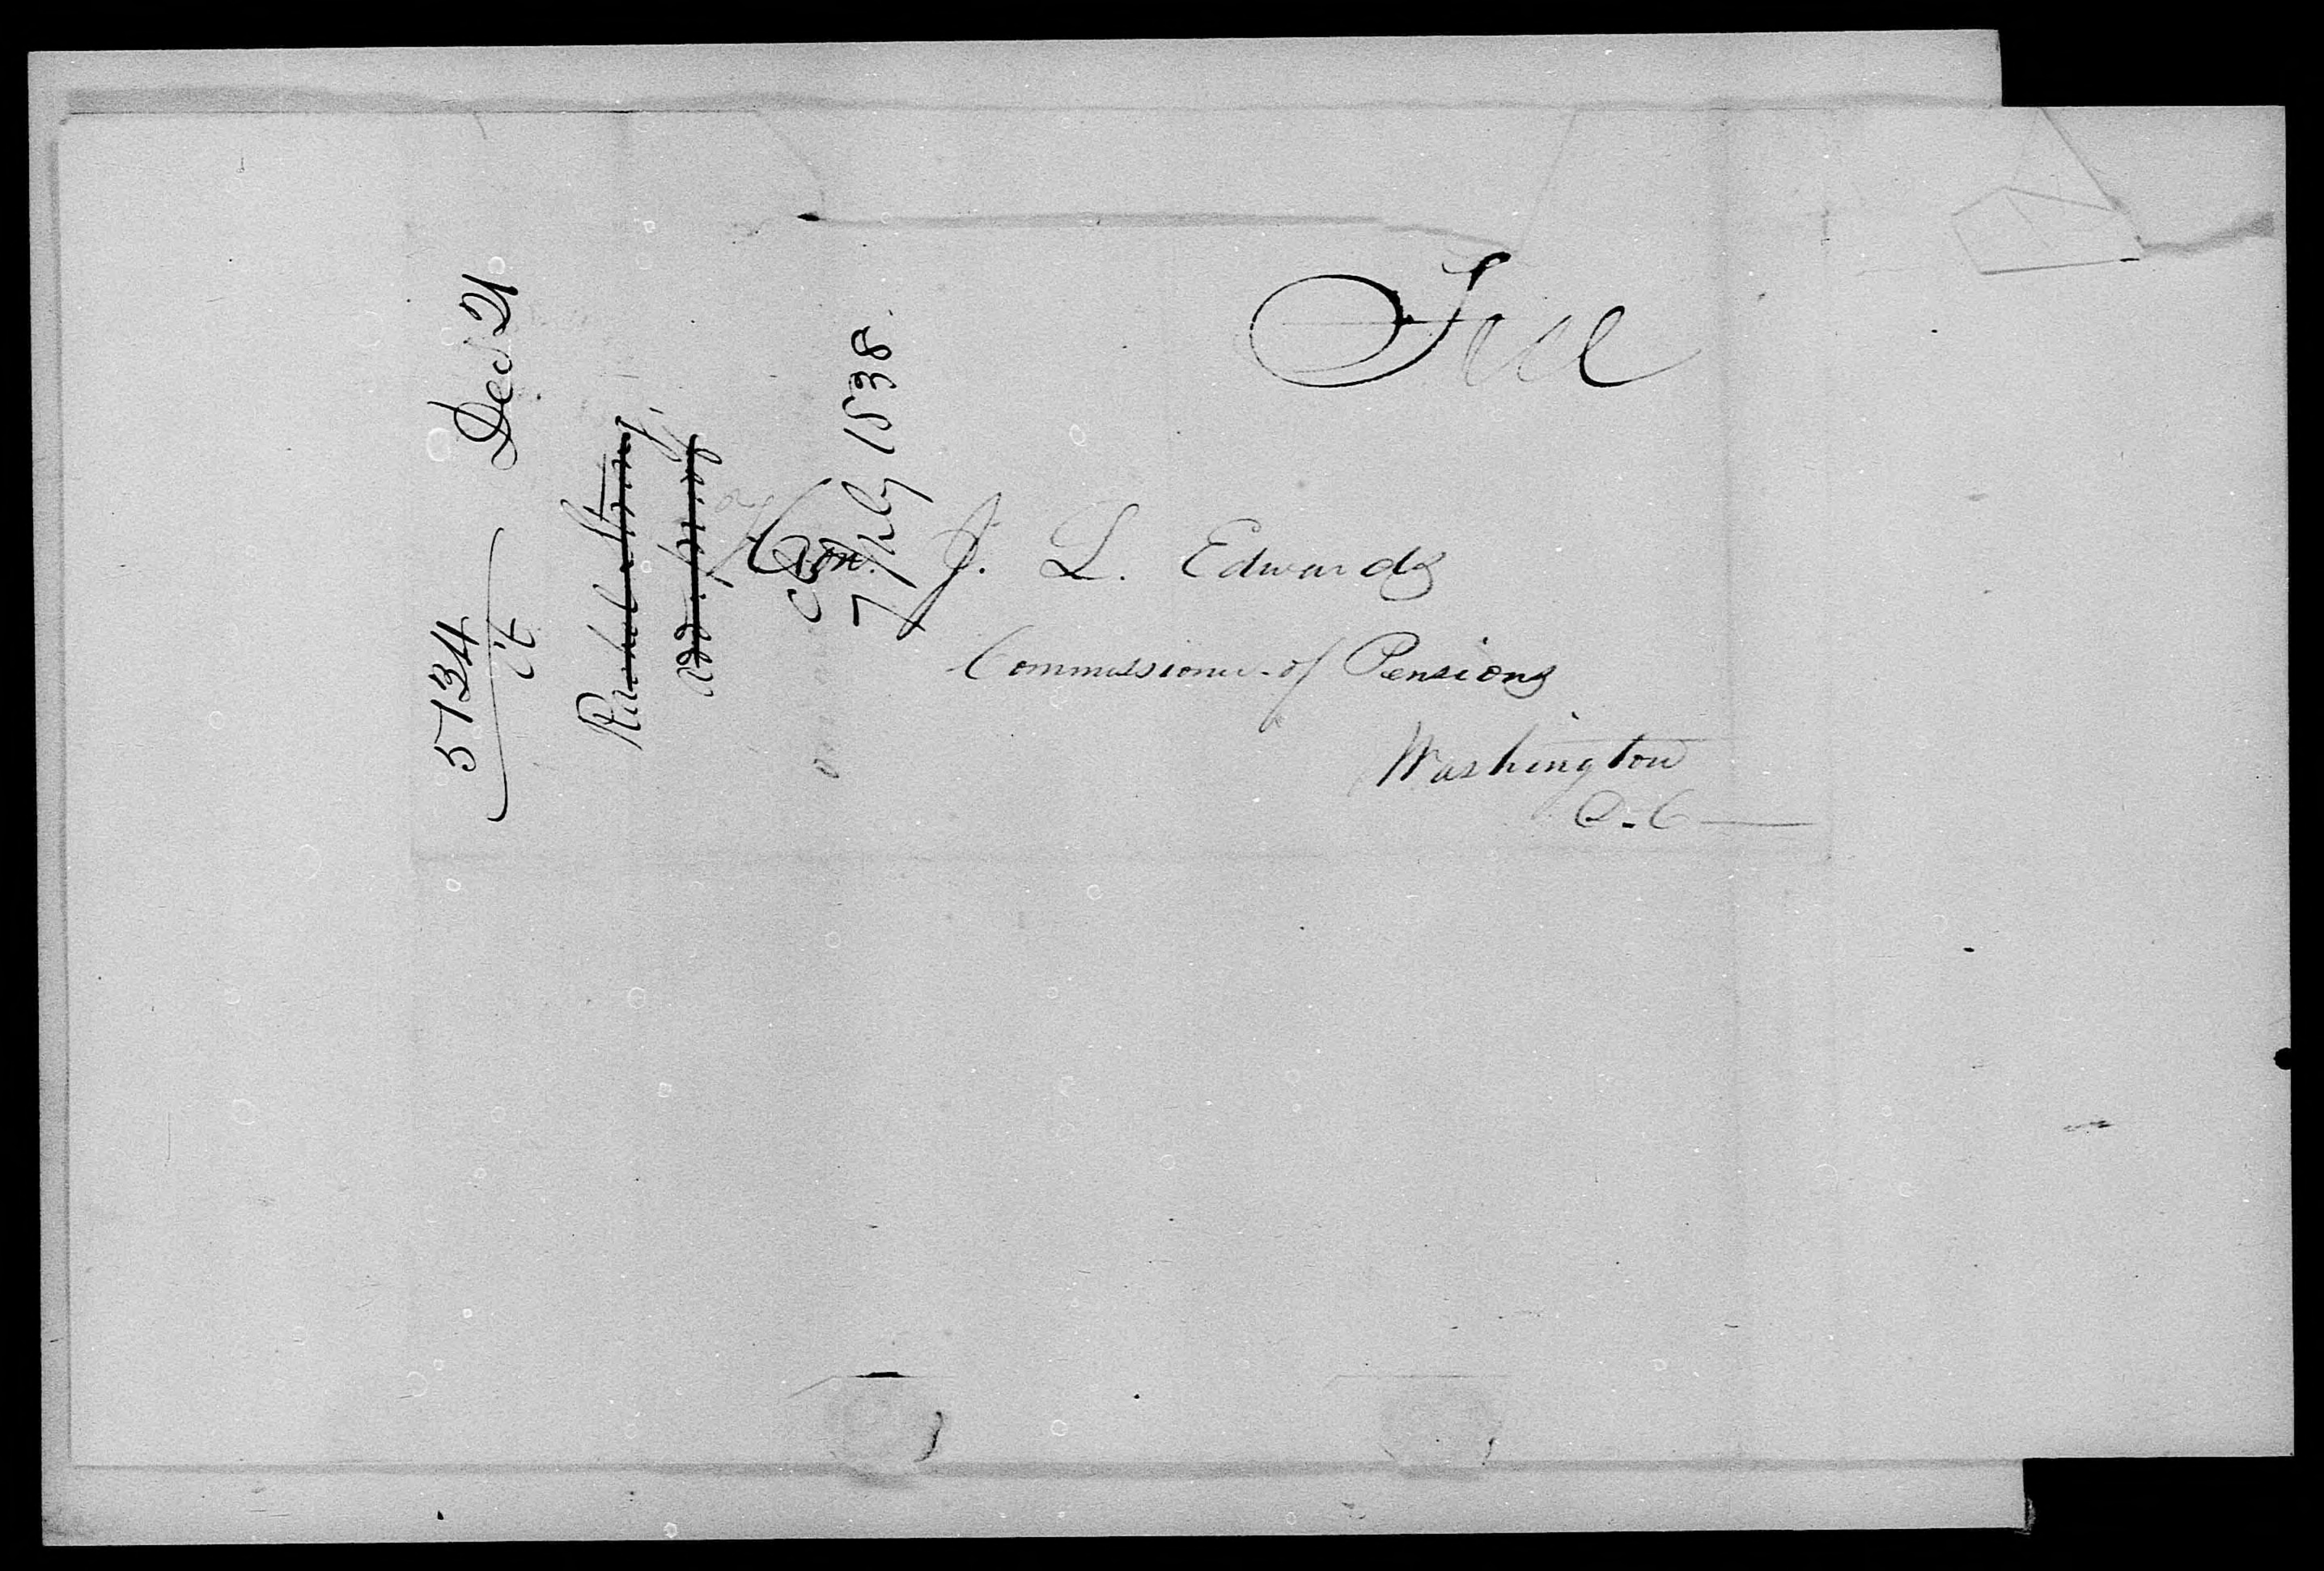[Illegible]

Hon. J. L. Edwards
Commissioner of Pensions
Washington
D.C.

5134
Ct. 
Dec 21
Rachel Strong [Name is lined through]
Add. proof [Words are lined through]
Ct
7 July 1838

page: 33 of 47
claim: widow's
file: W. 17879, for Seth Strong, Connecticut